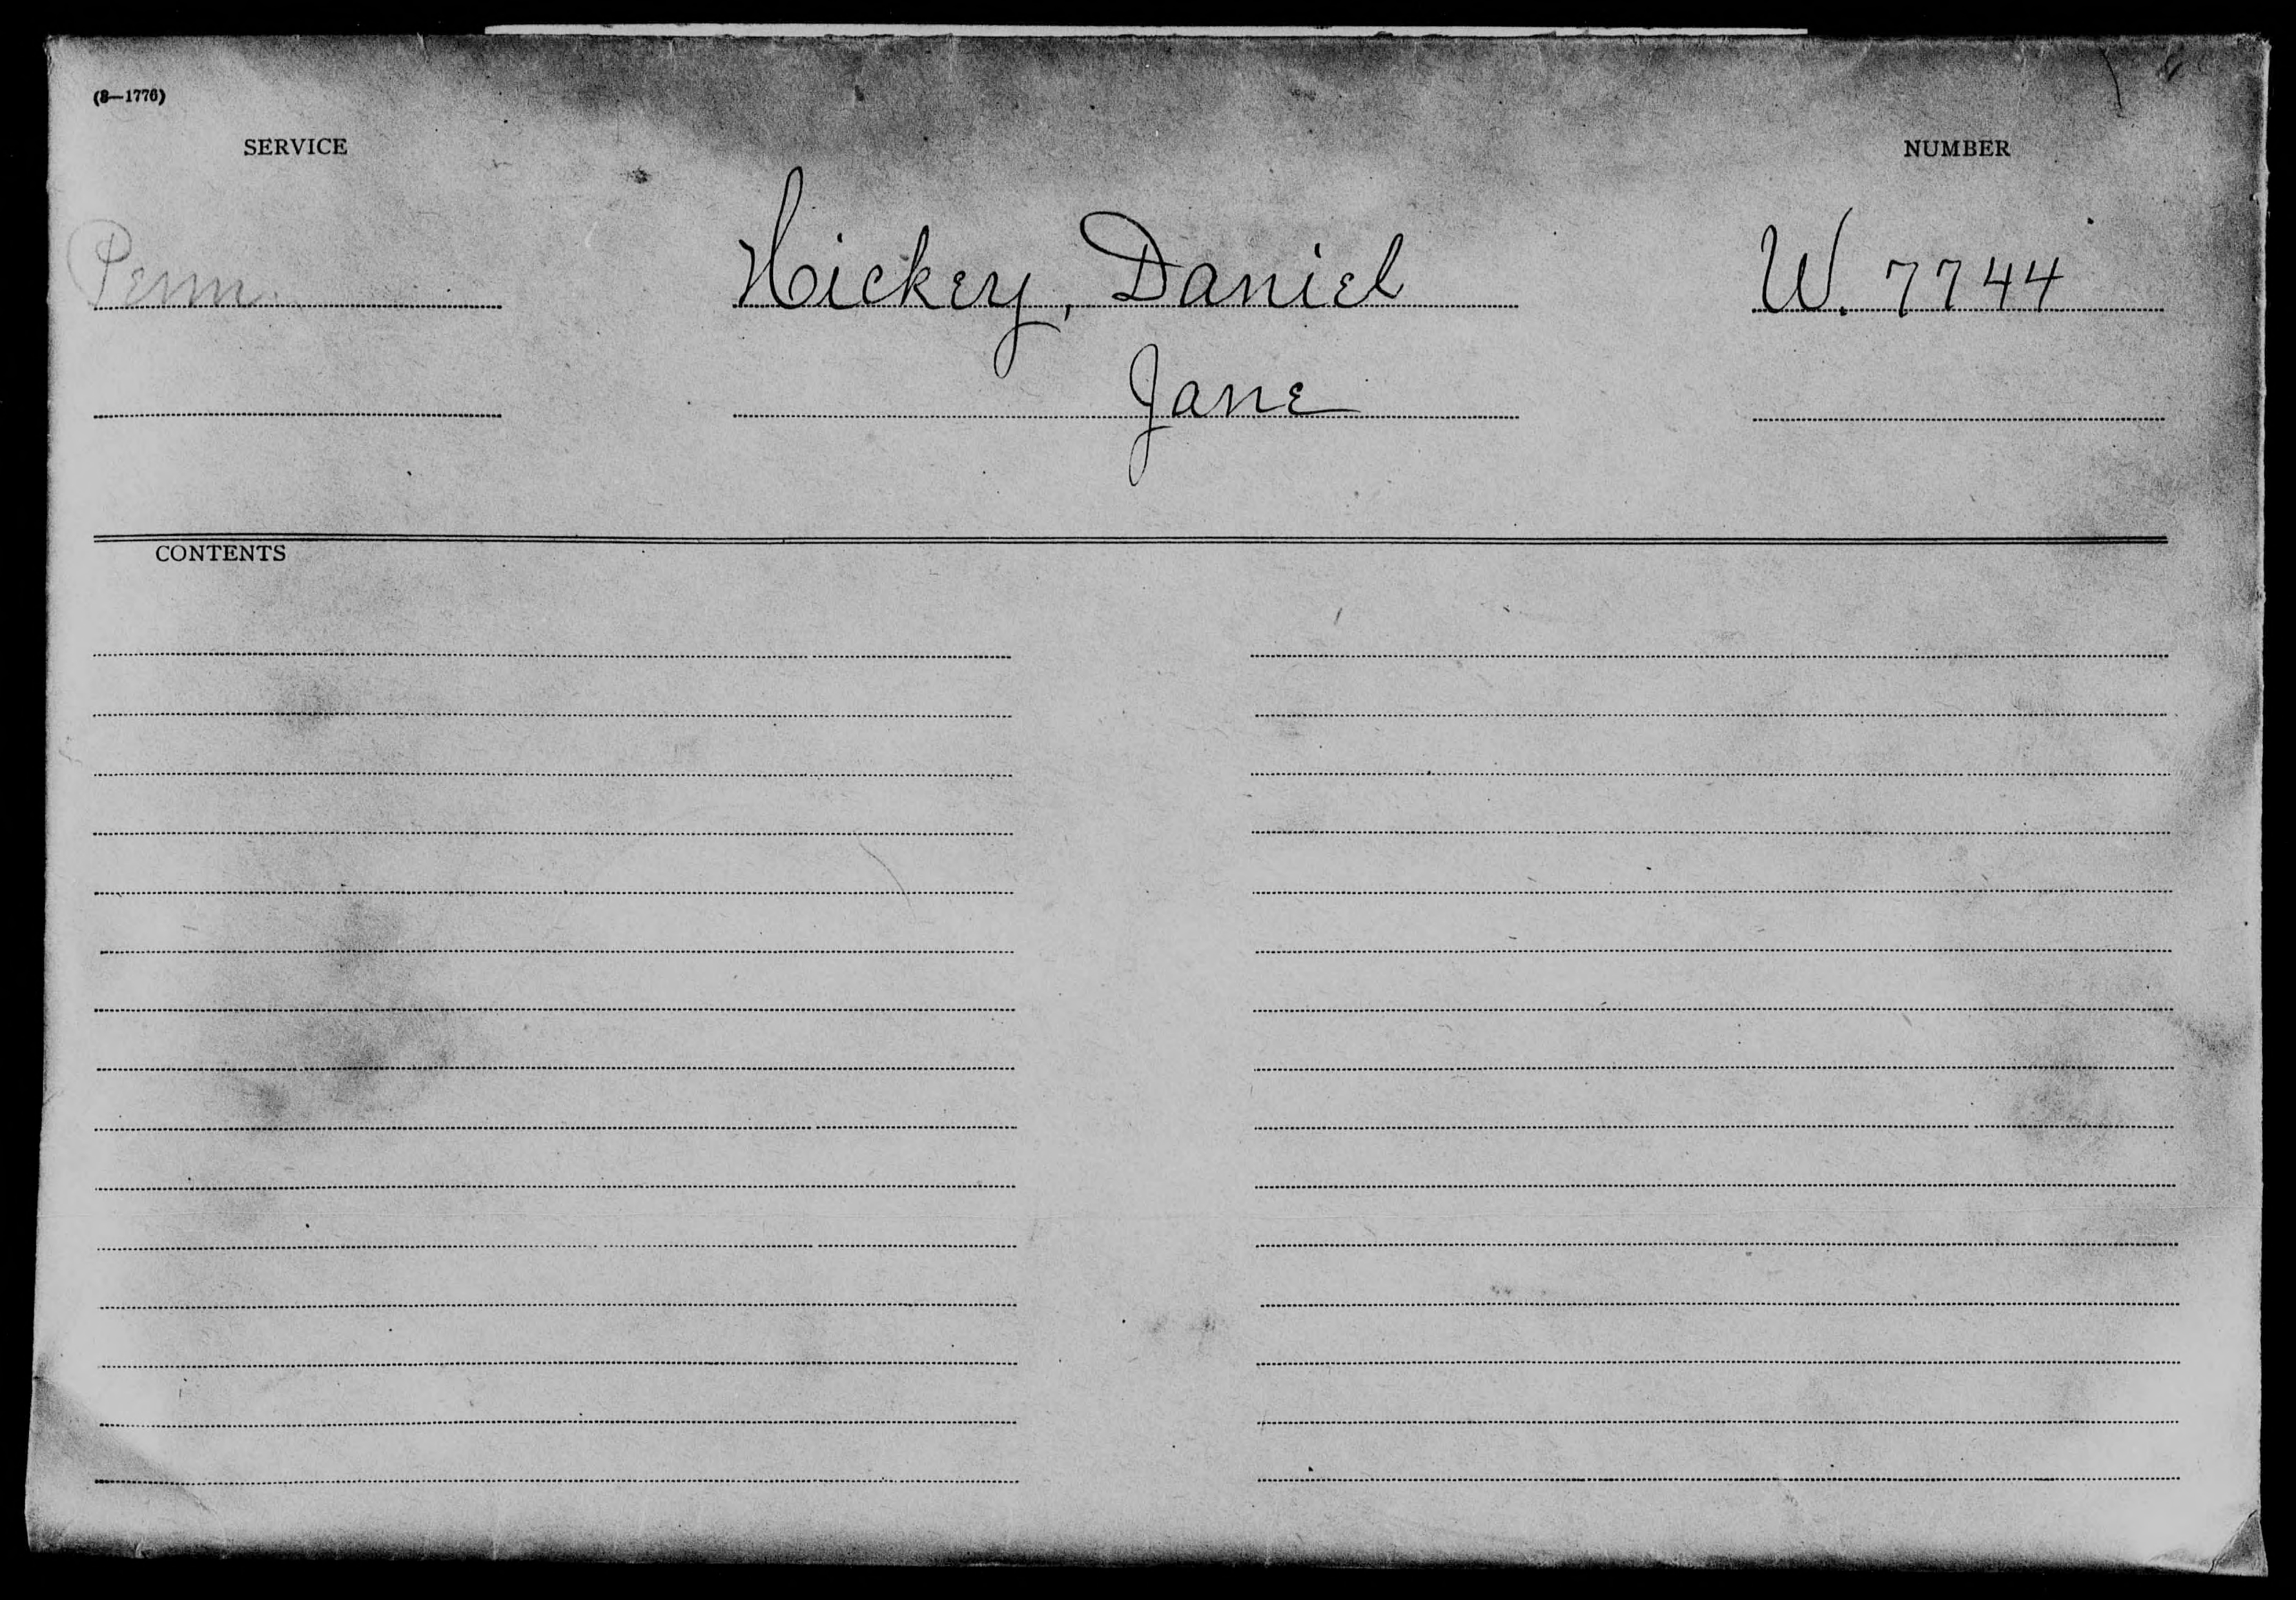(3 - 1776)
SERVICE
Penn
Hickey
Daniel
Jane
NUMBER
W. 7744
CONTENTS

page: 1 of 84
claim: widow's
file: W. 7744, Daniel Hickey, Penn.